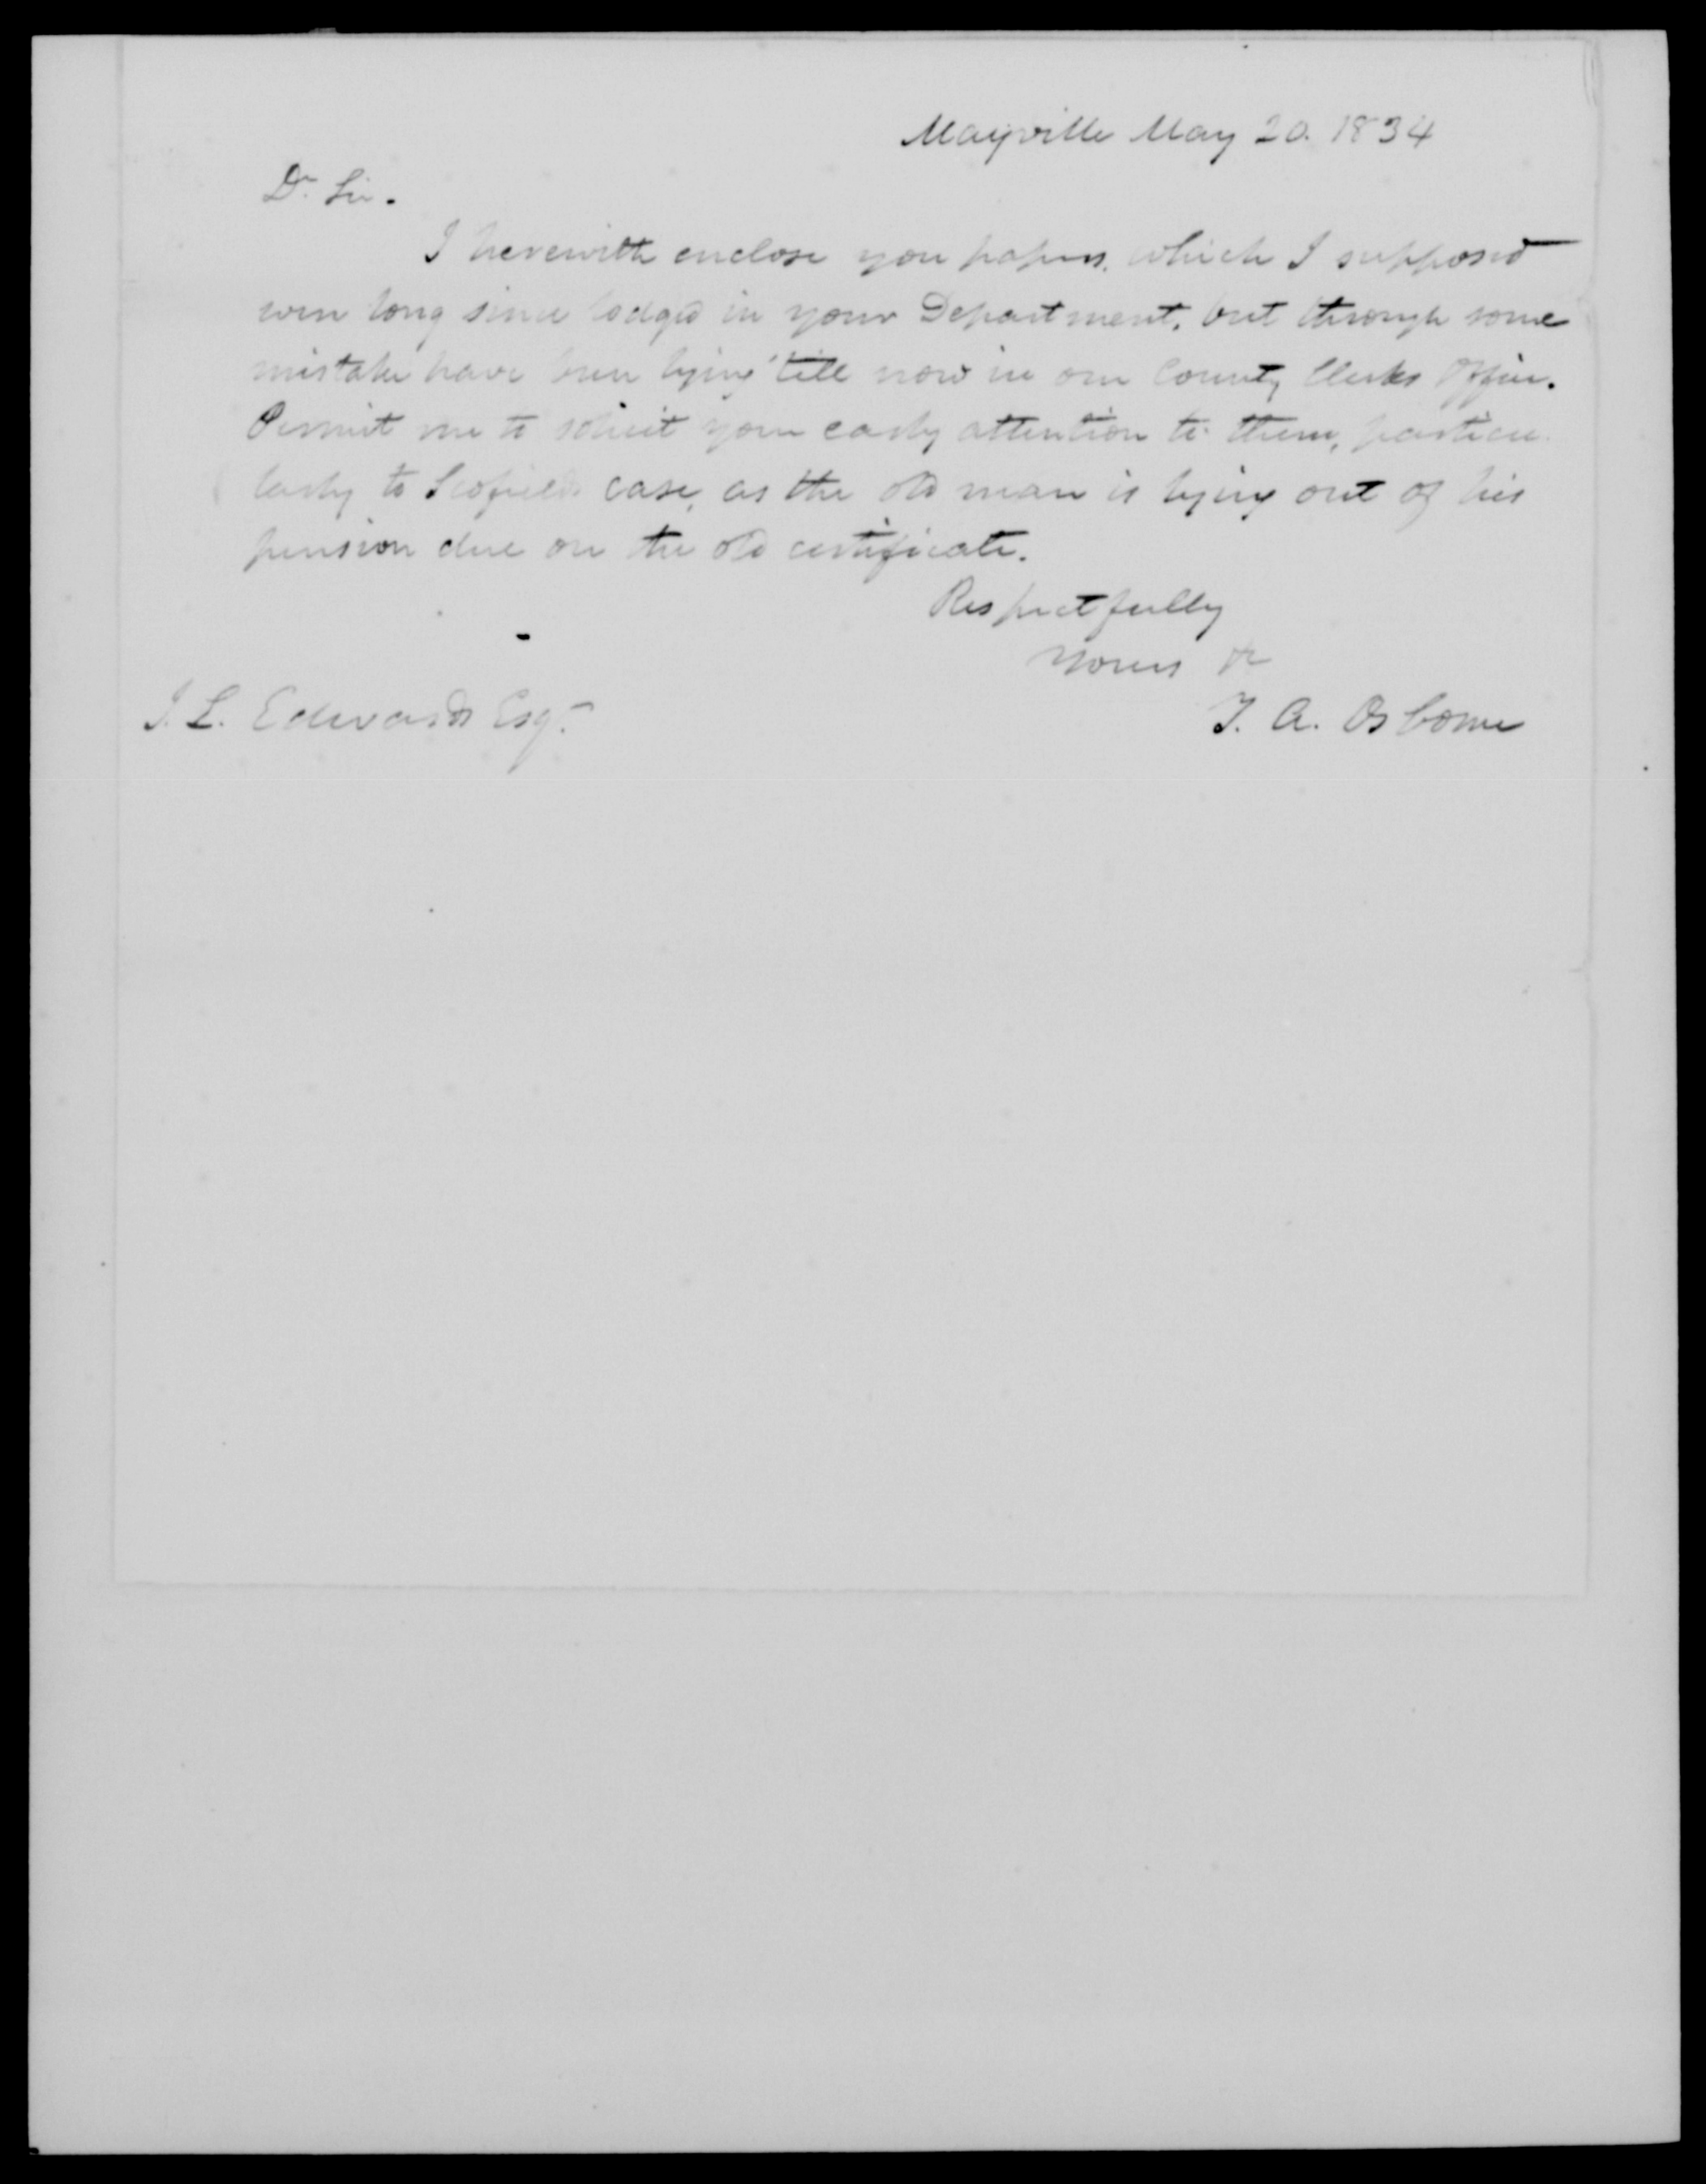Mayville May 20. 1834 
Dr Sir
I herewith enclose you papers which I supposed were long since lodged in your Department, but through some mistake have been lying till now in our County Clerks office. Permit me to direct your early attention to them particularly to Scofields case, as the old man is lying out of his pension due on the old certificate. 
Respectfully Yours &c 
T.A. Osborne 
J. L. Edwards Esq.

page: 25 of 36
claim: survivor's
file: S. 10,004, for Seely Scofield, Connecticut